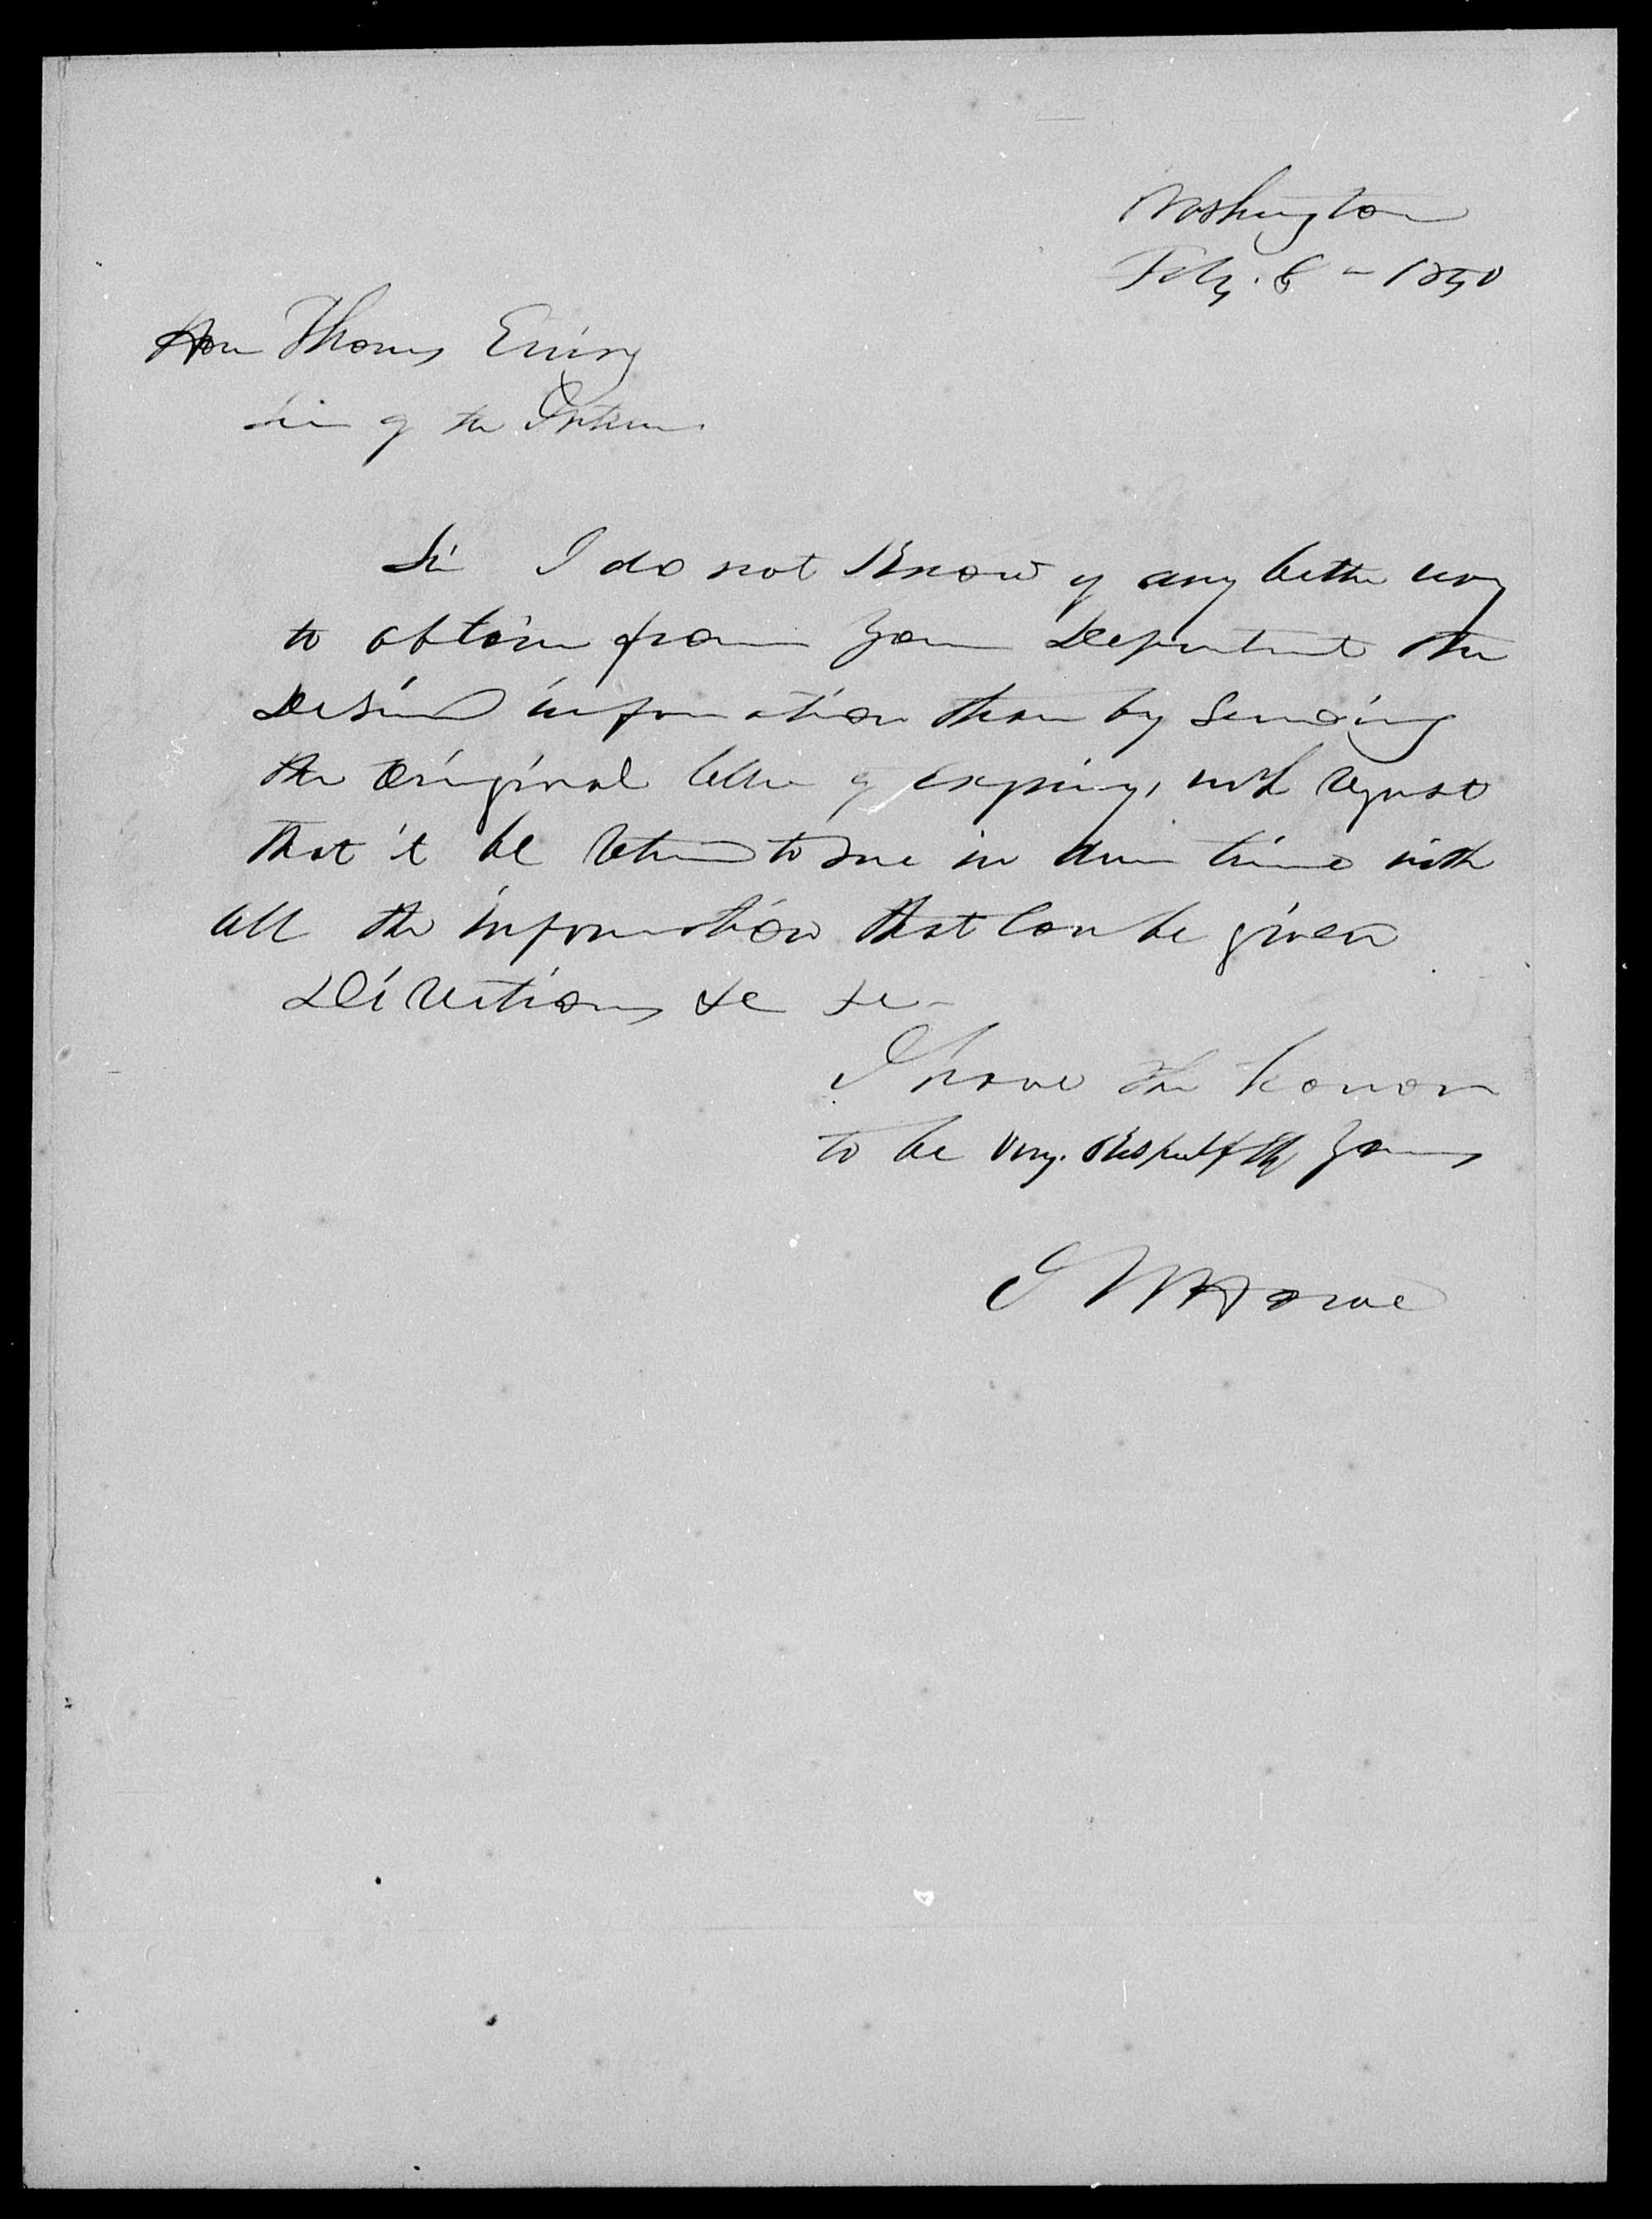Washington
Feby. 8, 1850

Hon Thomas Ewing
Dept of Interior

I do not know of any better my
to obtain from your Department desired inormation than by sending
the original letter of inquiry  [illegible] [illegible]
that it be returned to one in due time with all the information that can be given
Direction & [illegible]
I have the honor 
to be very Respectfully yours,

J. W. Howe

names: J W Howe, Thomas Ewing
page: 16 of 21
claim: rejected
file: R. 4419, Hugh Haffernan, Penn.